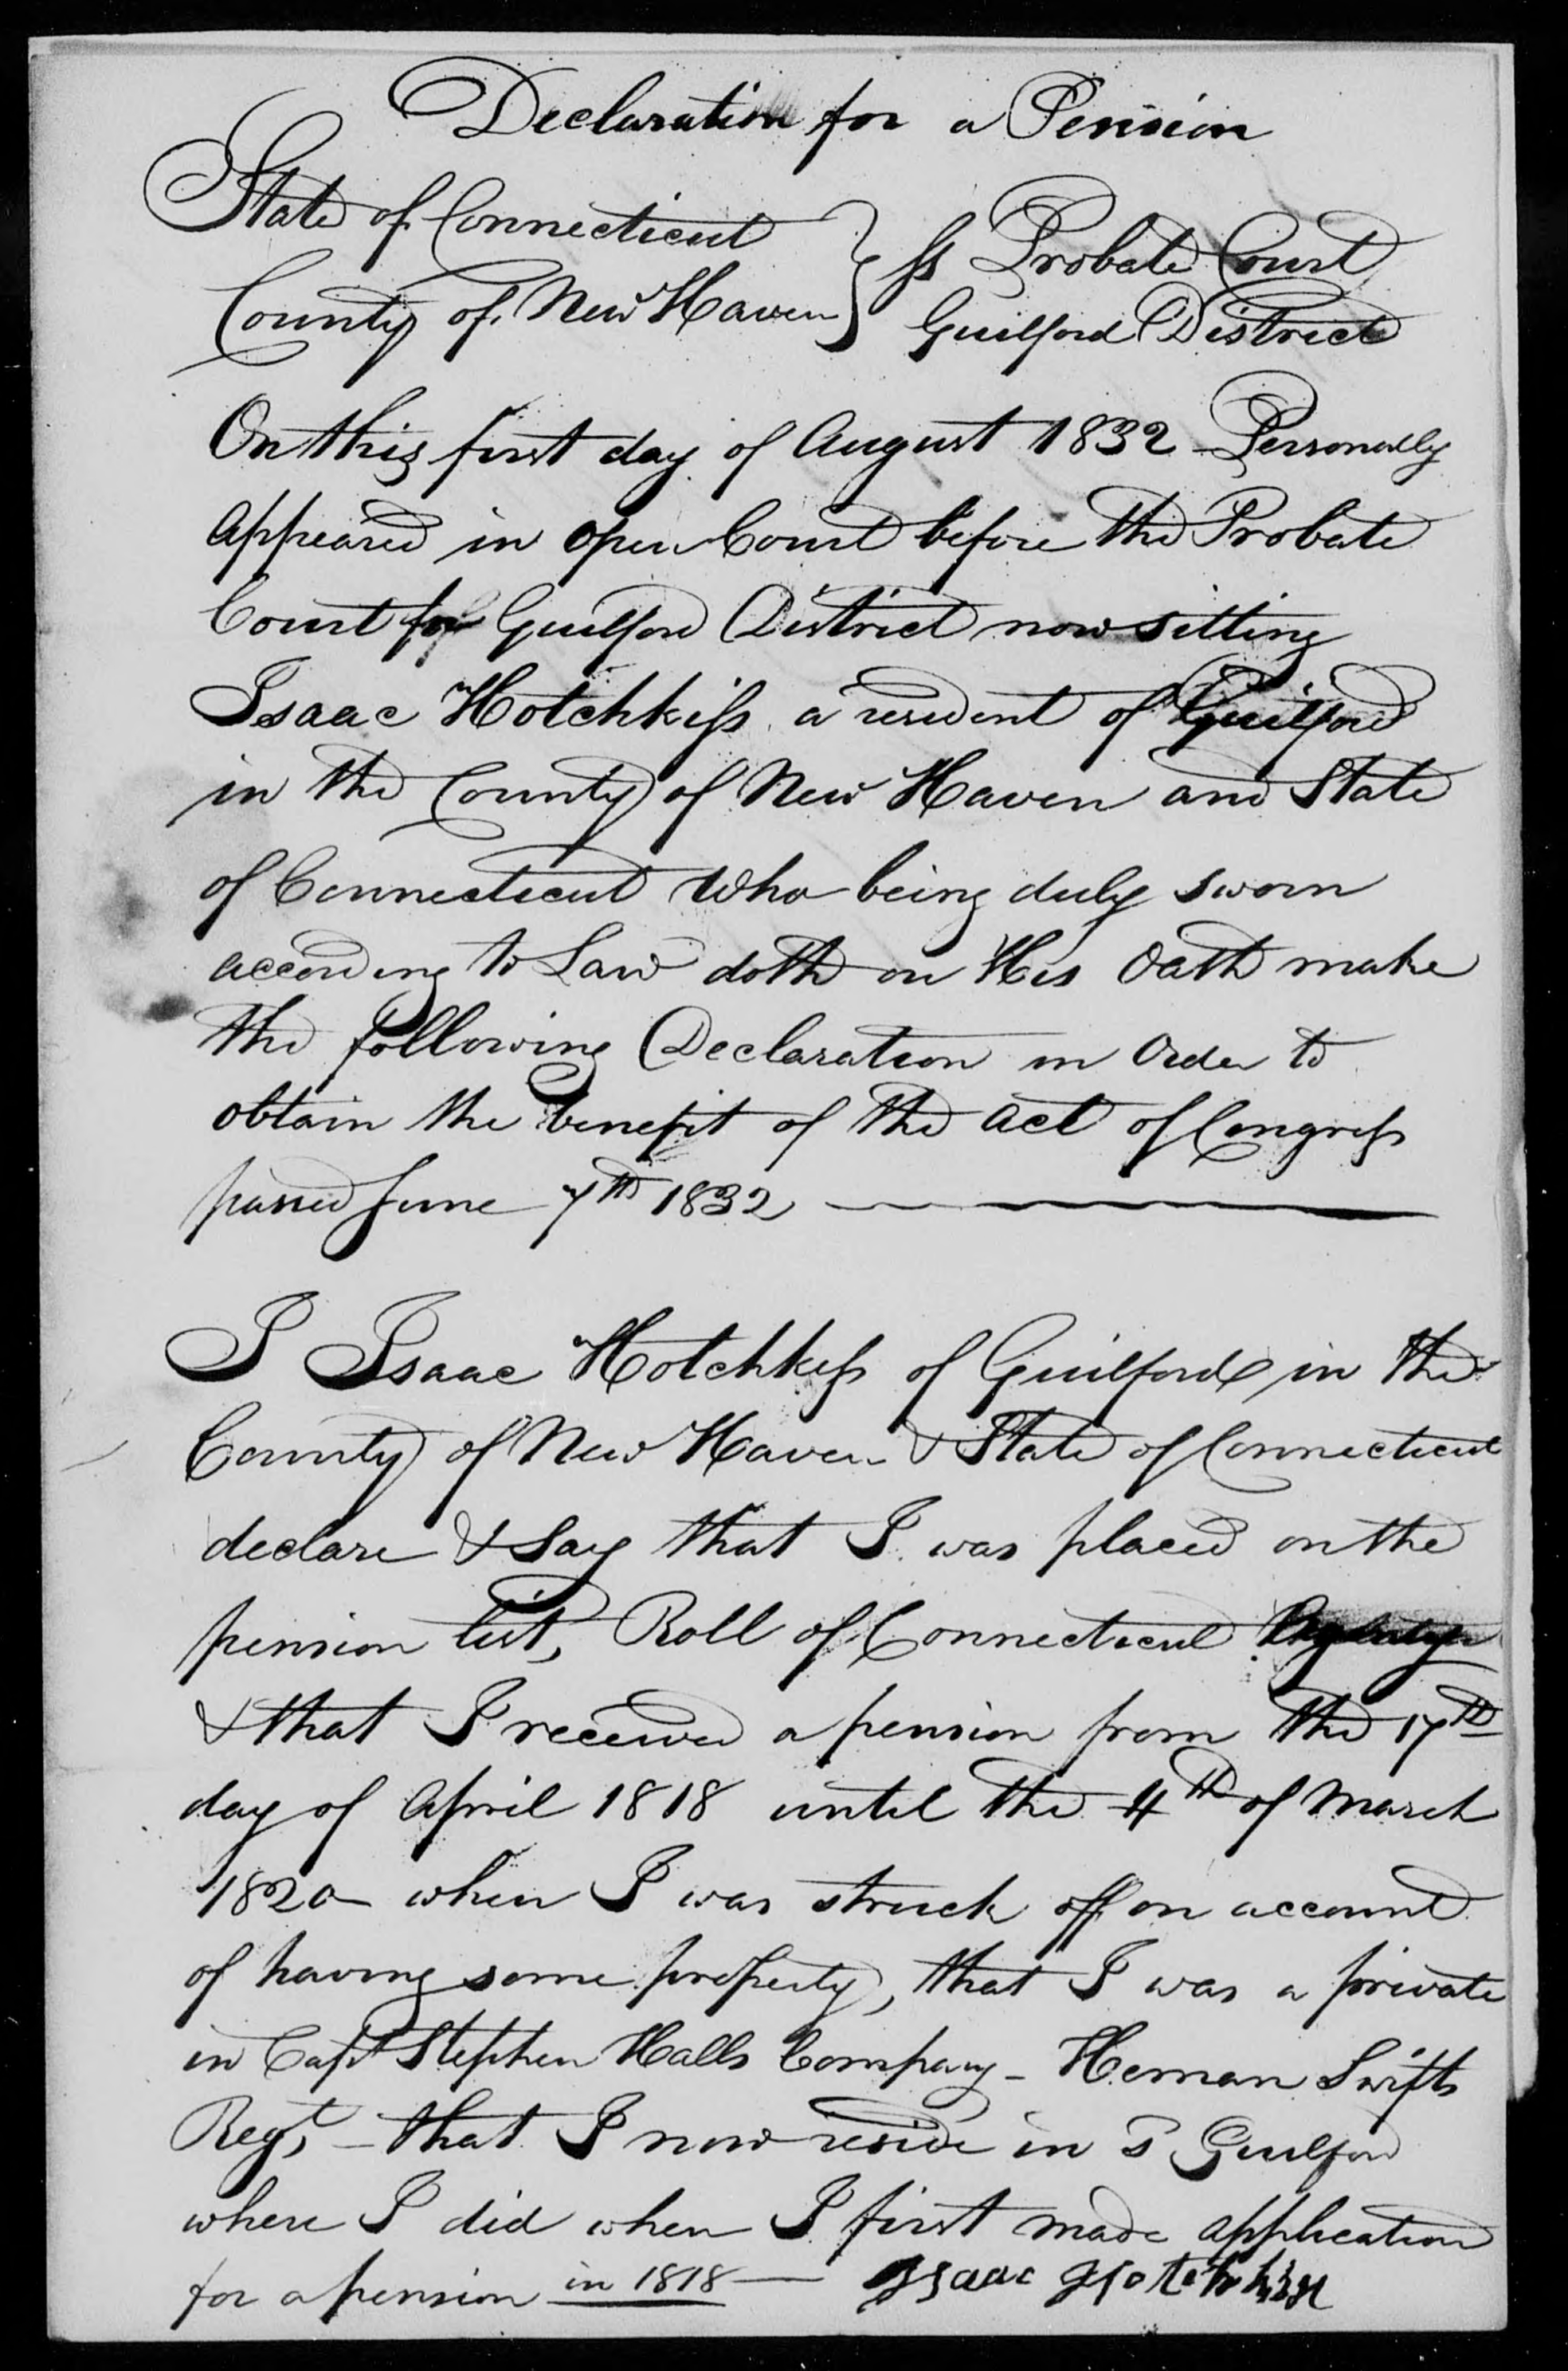Declaration for a Pension
State of Connecticut   } SS Probate Court 
County of New Haven} Guildford District

On this first day of August 1832 Personally appeared in open Court before the Probate Court for Guilford  District now sitting Isaac Hotchkiss a resident of Guilford in the County of New Haven and state of Connecticut who being duly sworn according to law doth on His oath make the following Declaration in order to obtain the benefit of the act of congress passed June 7th 1832 _____________________________

I Isaac Hotchkiss of Guilford in the County of New Haven & state of Connecticut declare & say that I was placed on the pension list, Roll of Connecticut [smudged out] & that I received a pension from the 17th day of April 1818 until the 11th of March 1820 when I was struck off on account of having some property that I was a private in Capt Stephen Halls Company. Herman Swifts Regt, - that I now reside in sd Guilford where I did when I first made application for a pension in 1818 _ Isaac Hotchkiss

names: Isaac Hotchkiss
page: 8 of 25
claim: widow's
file: W. 18,021, Isaac Hotchkiss, Conn.